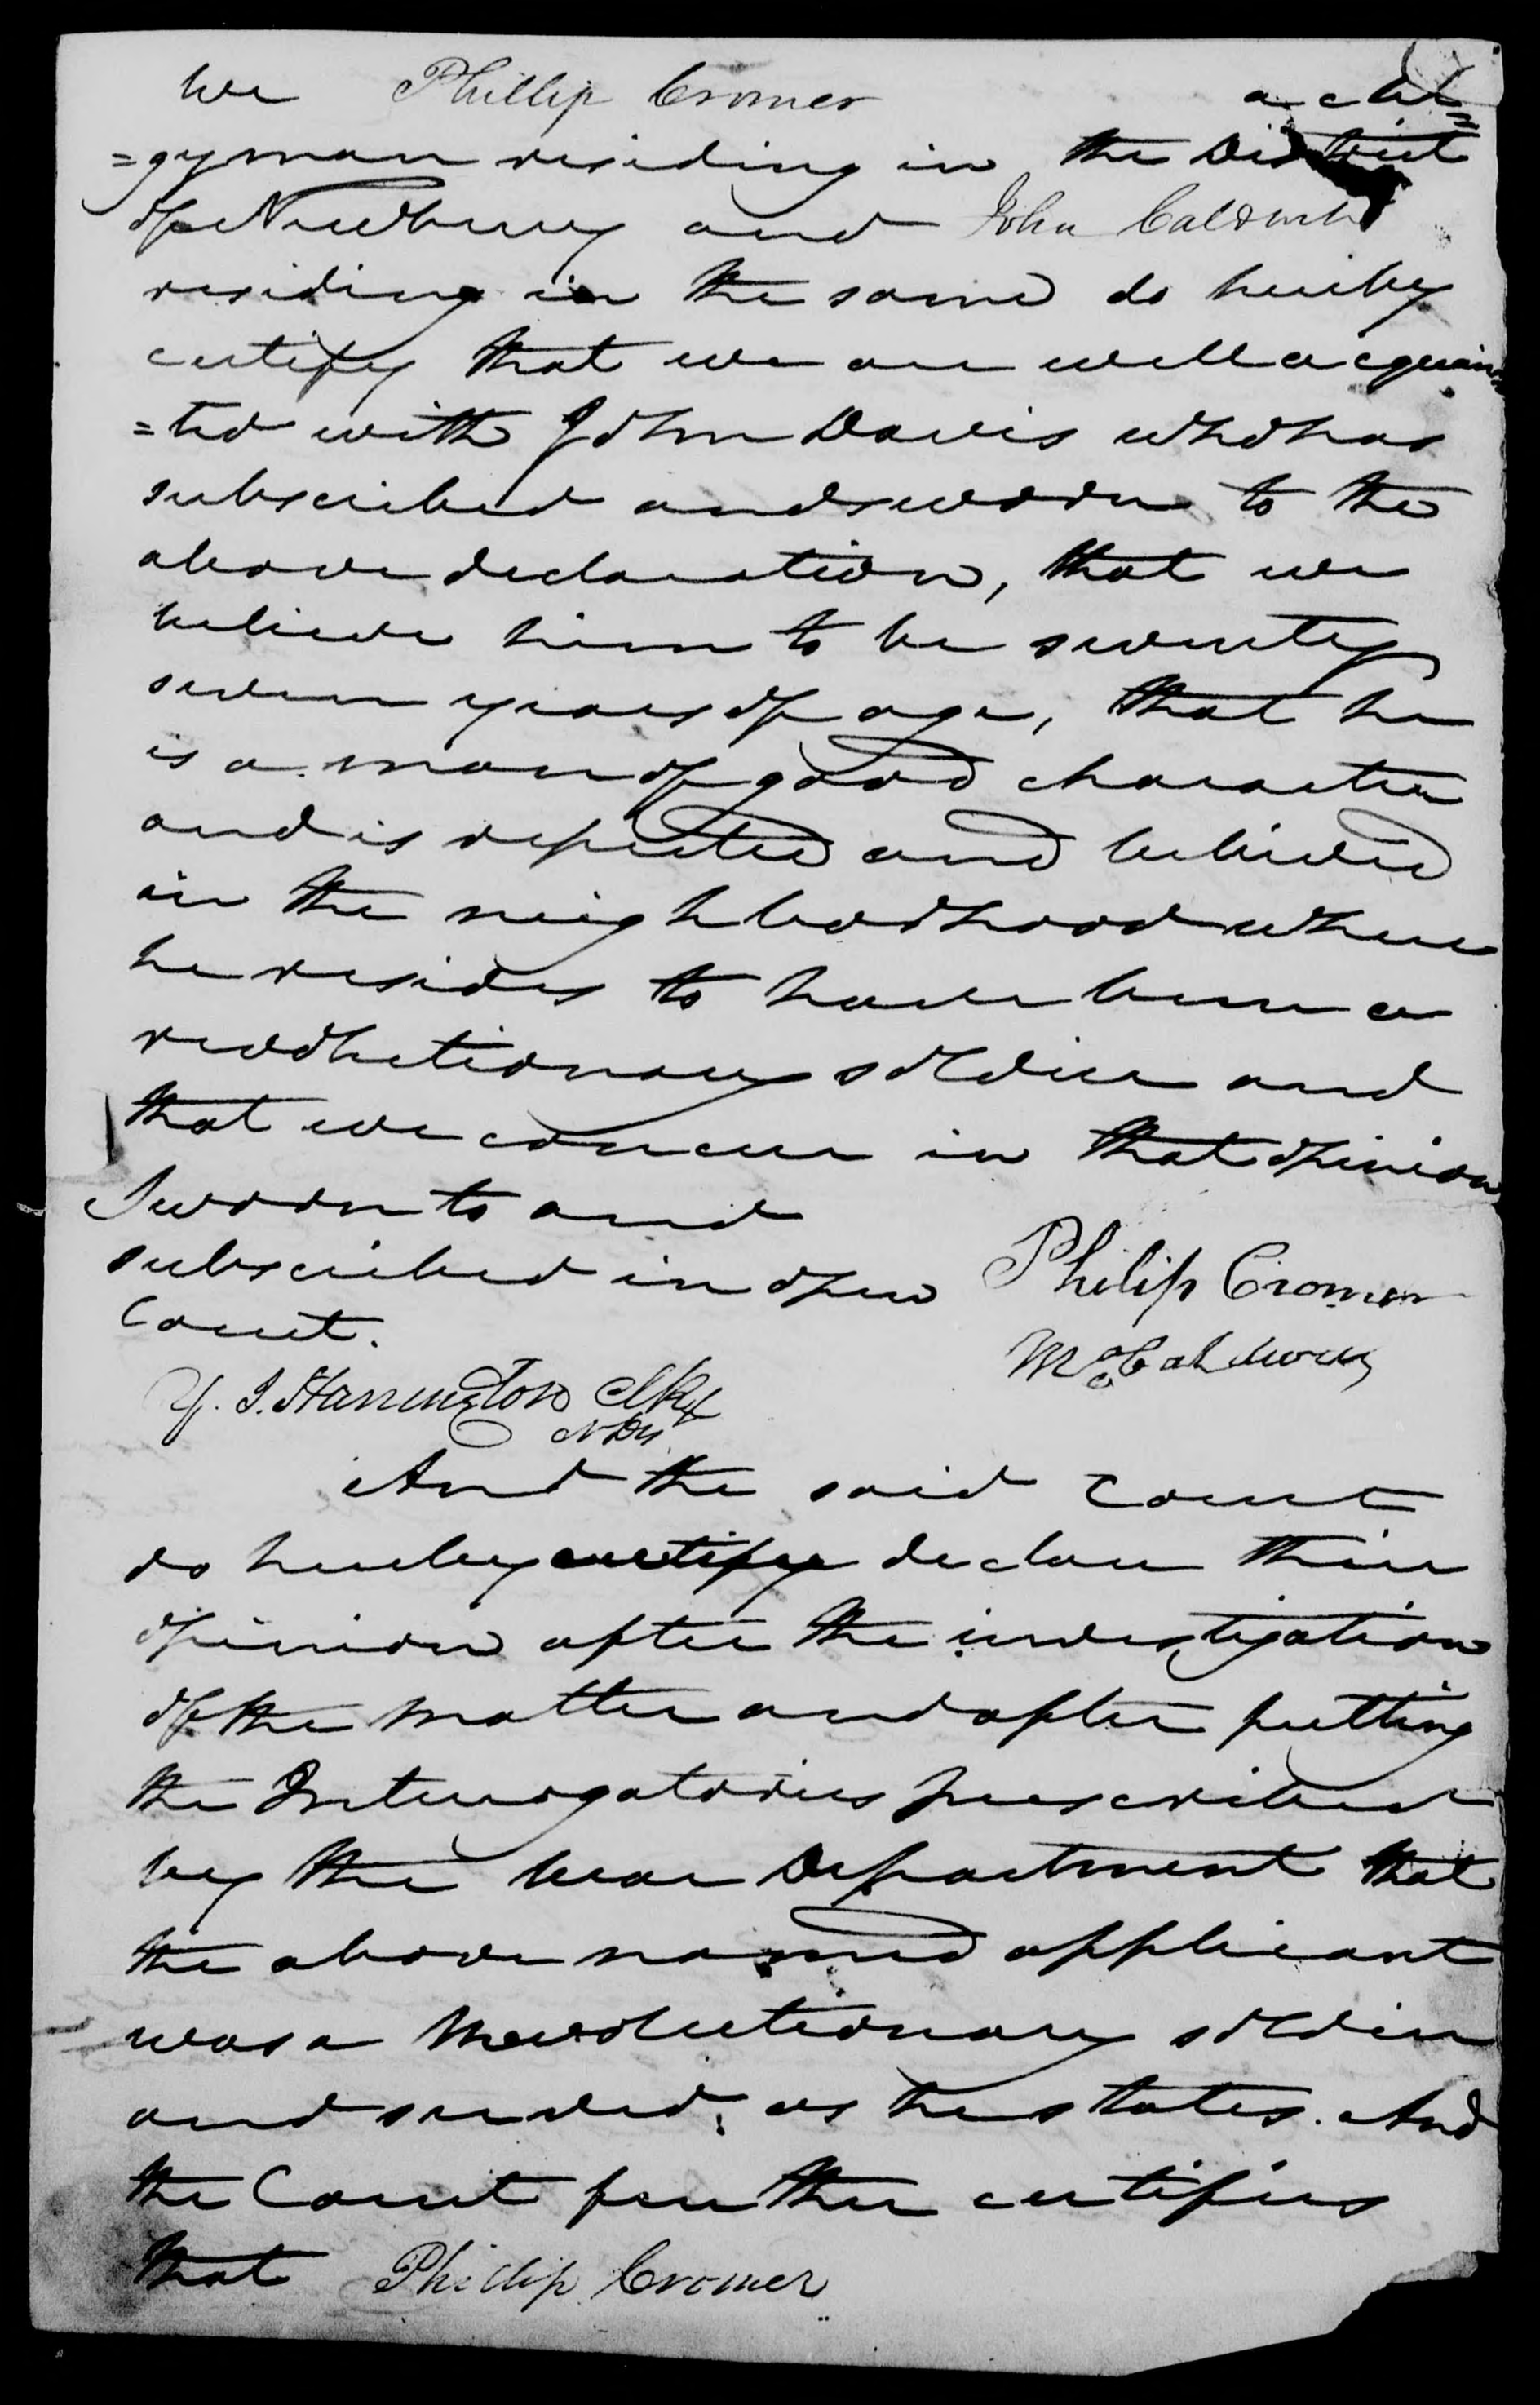We, Phillip Cromer a clergyman residing in the District of Newberry and John Caldwell
residing in the same do hereby certify that we are well acquainted with John Davis who has
subscribed and sworn to the above declaration, that we believe him to be seventy seven years of age, that he is a man of good character and is reputed and believed in the neighborhood where he resides to have been revolutionary soldier and that we concur in that opinion
[signed] Philip Cromer
John Caldwell

Sworn to and subscribed in open Court
J. J. Harrington Clk

And the said Court do hereby certify declare their opinion after the investigation of the matter and after putting the Interrogatories prescribed by the War department that the above named applicant was a revolutionary soldier and served as he states. And the Court further certifies
that Phillip Cromer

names: John Caldwell, Phillip Cromer, Y J Harrington, John Davis, Jno Caldwell, Phillip Cromer, Philip Cromer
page: 9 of 13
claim: survivor's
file: S. 21,725, John Davis, S.C.